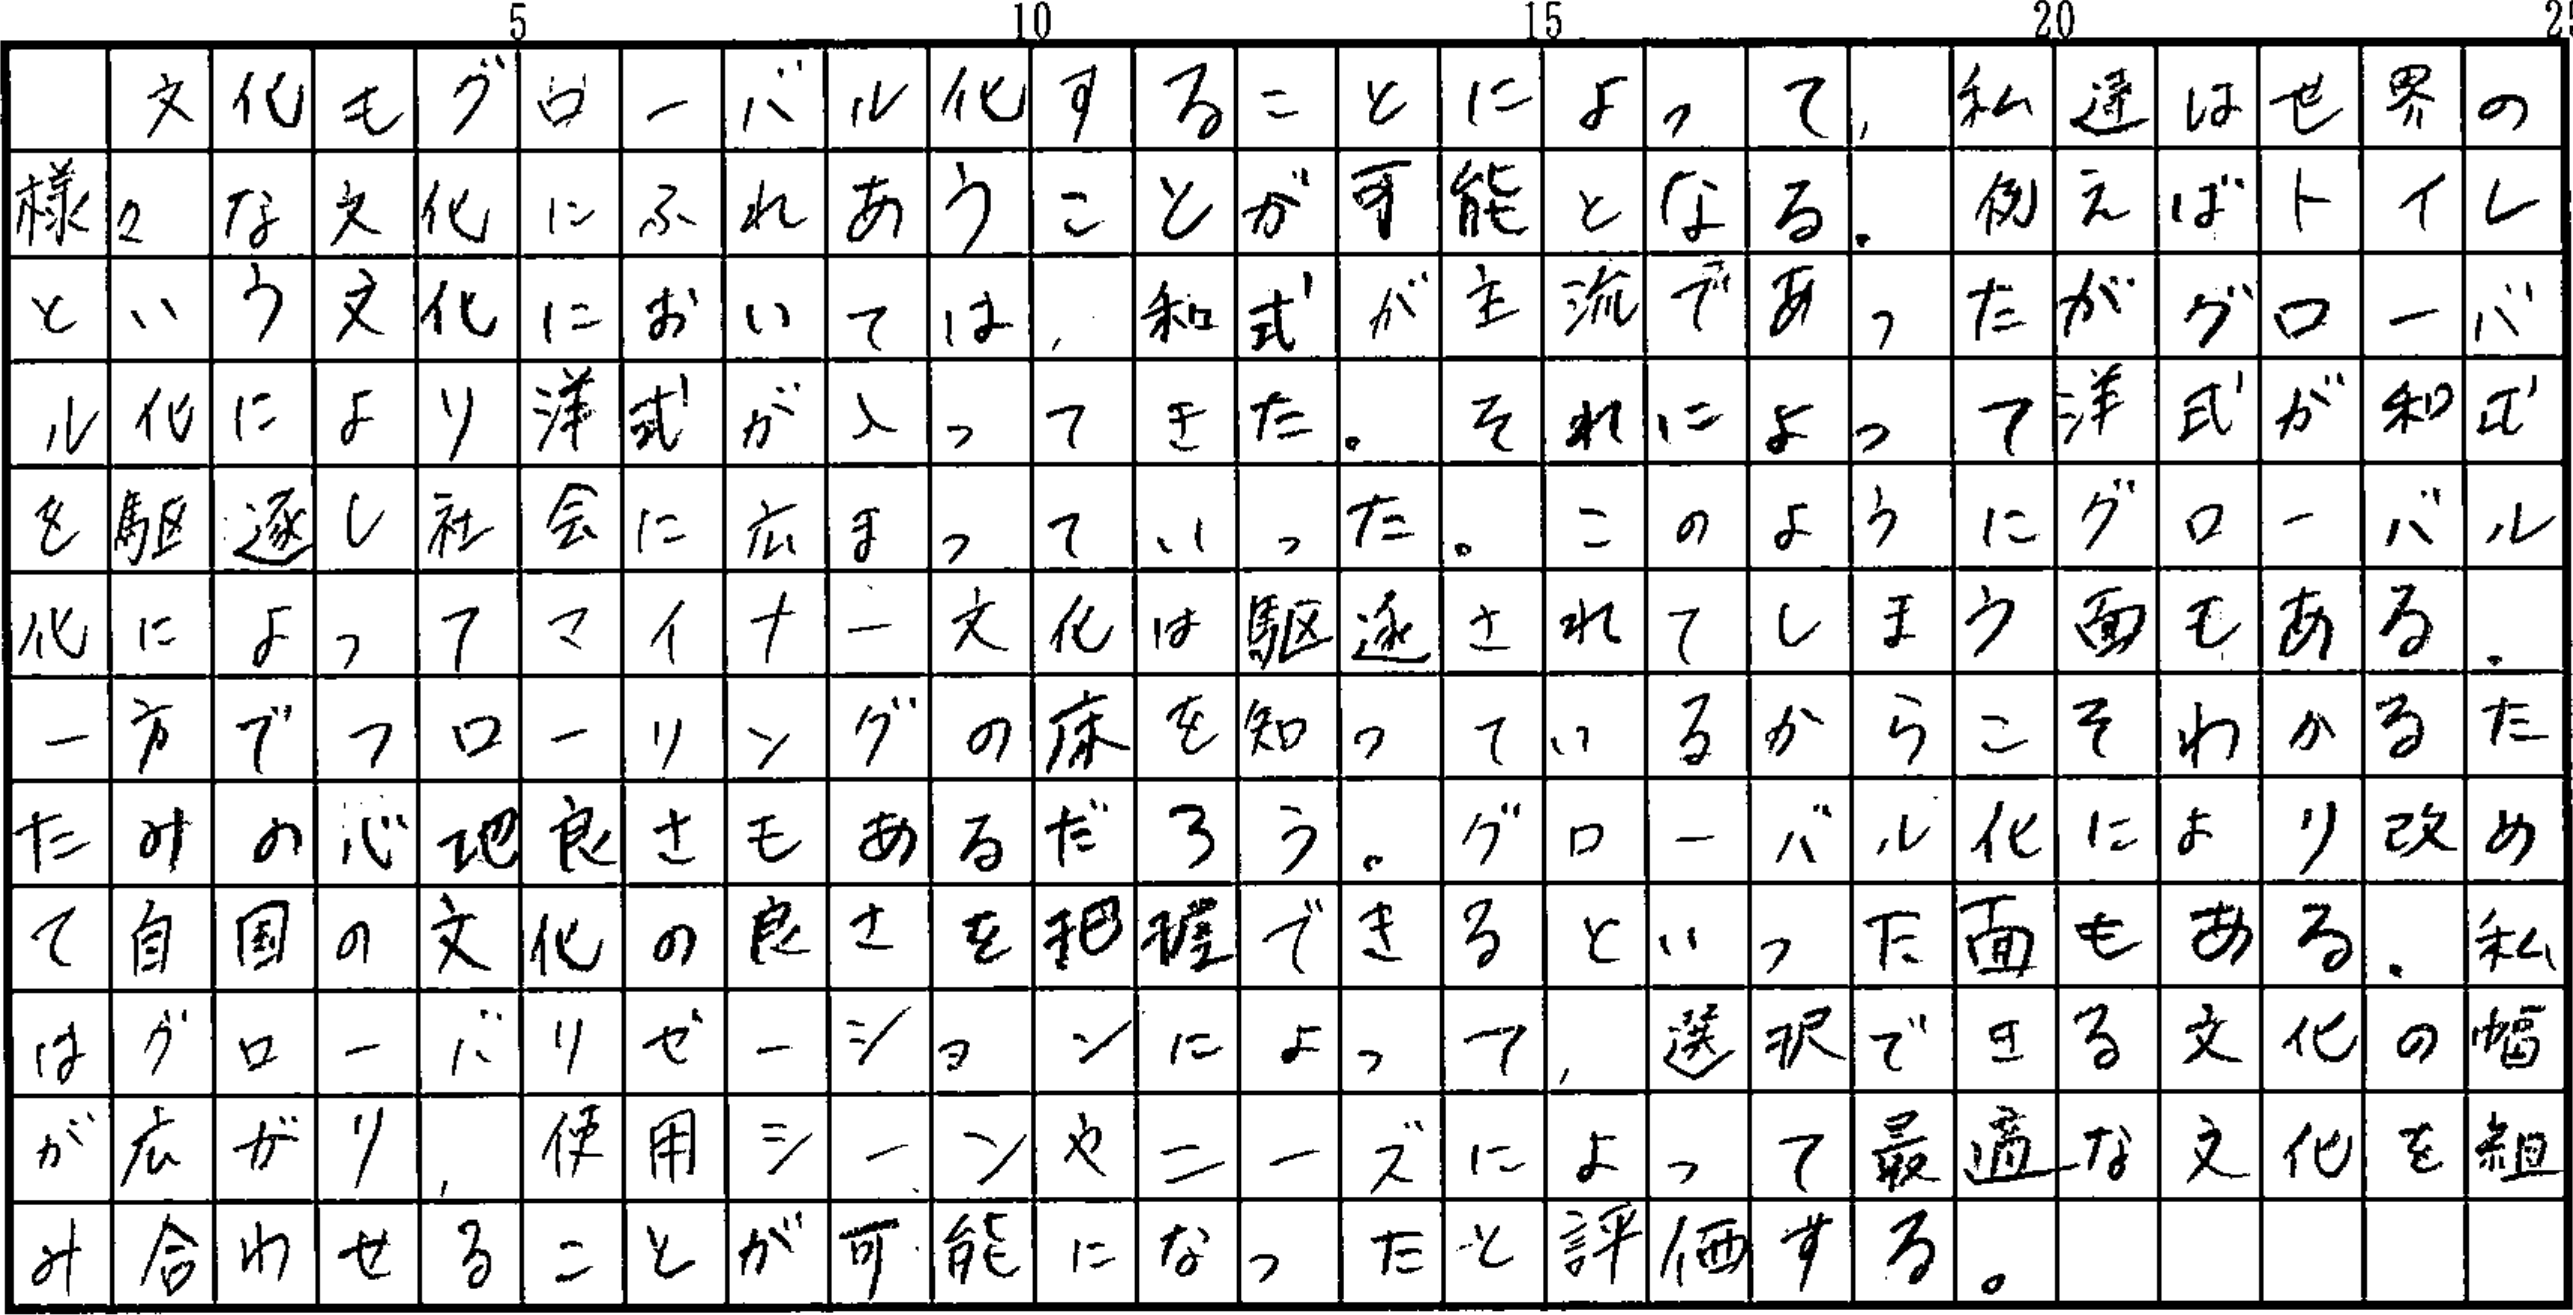　文化もグローバル化することによって、私達は世界の様々な文化にふれあうことが可能となる。例えばトイレという文化においては、和式が主流であったがグローバル化により洋式が入ってきた。それによって洋式が和式を駆逐し社会に広まっていった。このようにグローバル化によってマイナー文化は駆逐されてしまう面もある。一方でフローリングの床を知っているからこそわかるたたみの心地良さもあるだろう。グローバル化により改めて自国の文化の良さを把握できるといった面もある。私はグローバリゼーションによって、選択できる文化の幅が広がり、使用シーンやニーズによって最適な文化を組み合わせることが可能になったと評価する。
